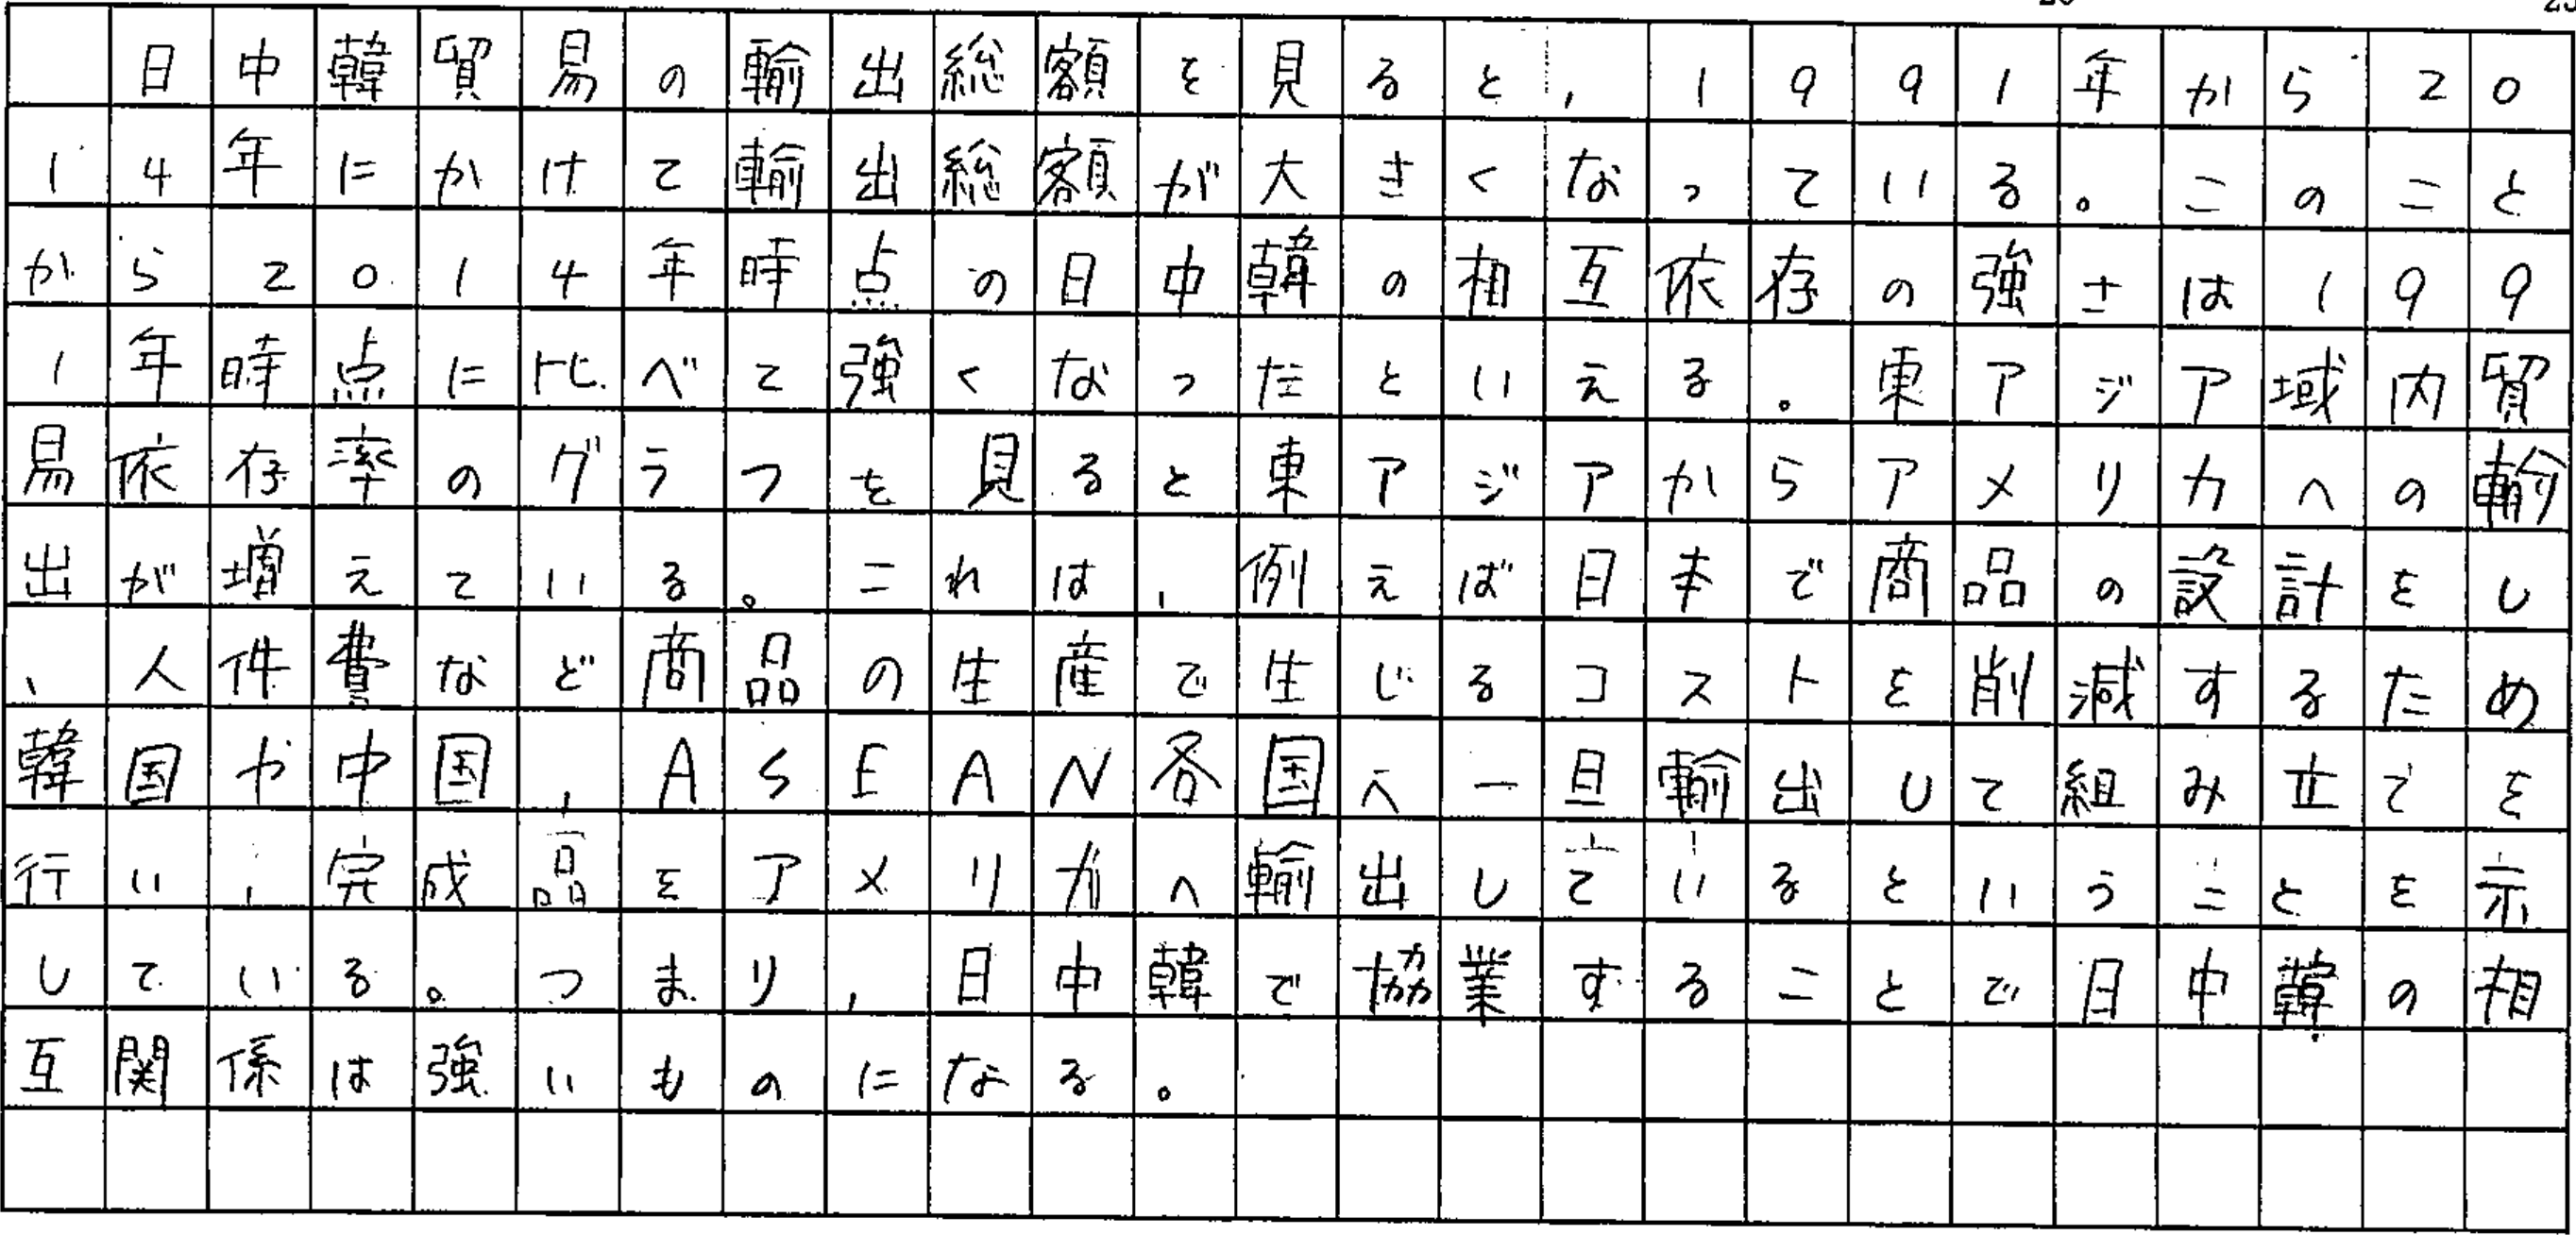　日中韓貿易の輸出総額を見ると、１９９１年から２０１４年にかけて輸出総額が大きくなっている。このことから２０１４年時点の日中韓の相互依存の強さは１９９１年時点に比べて強くなったといえる。東アジア域内貿易依存率のグラフを見ると東アジアからアメリカへの輸出が増えている。これは、例えば日本で商品の設計をし、人件費など商品の生産で生じるコストを削減するため韓国や中国，ＡＳＥＡＮ各国へ一旦輸出して組み立てを行い、完成品をアメリカへ輸出しているということを示している。つまり，日中韓で協業することで日中韓の相互関係は強いものになる。
